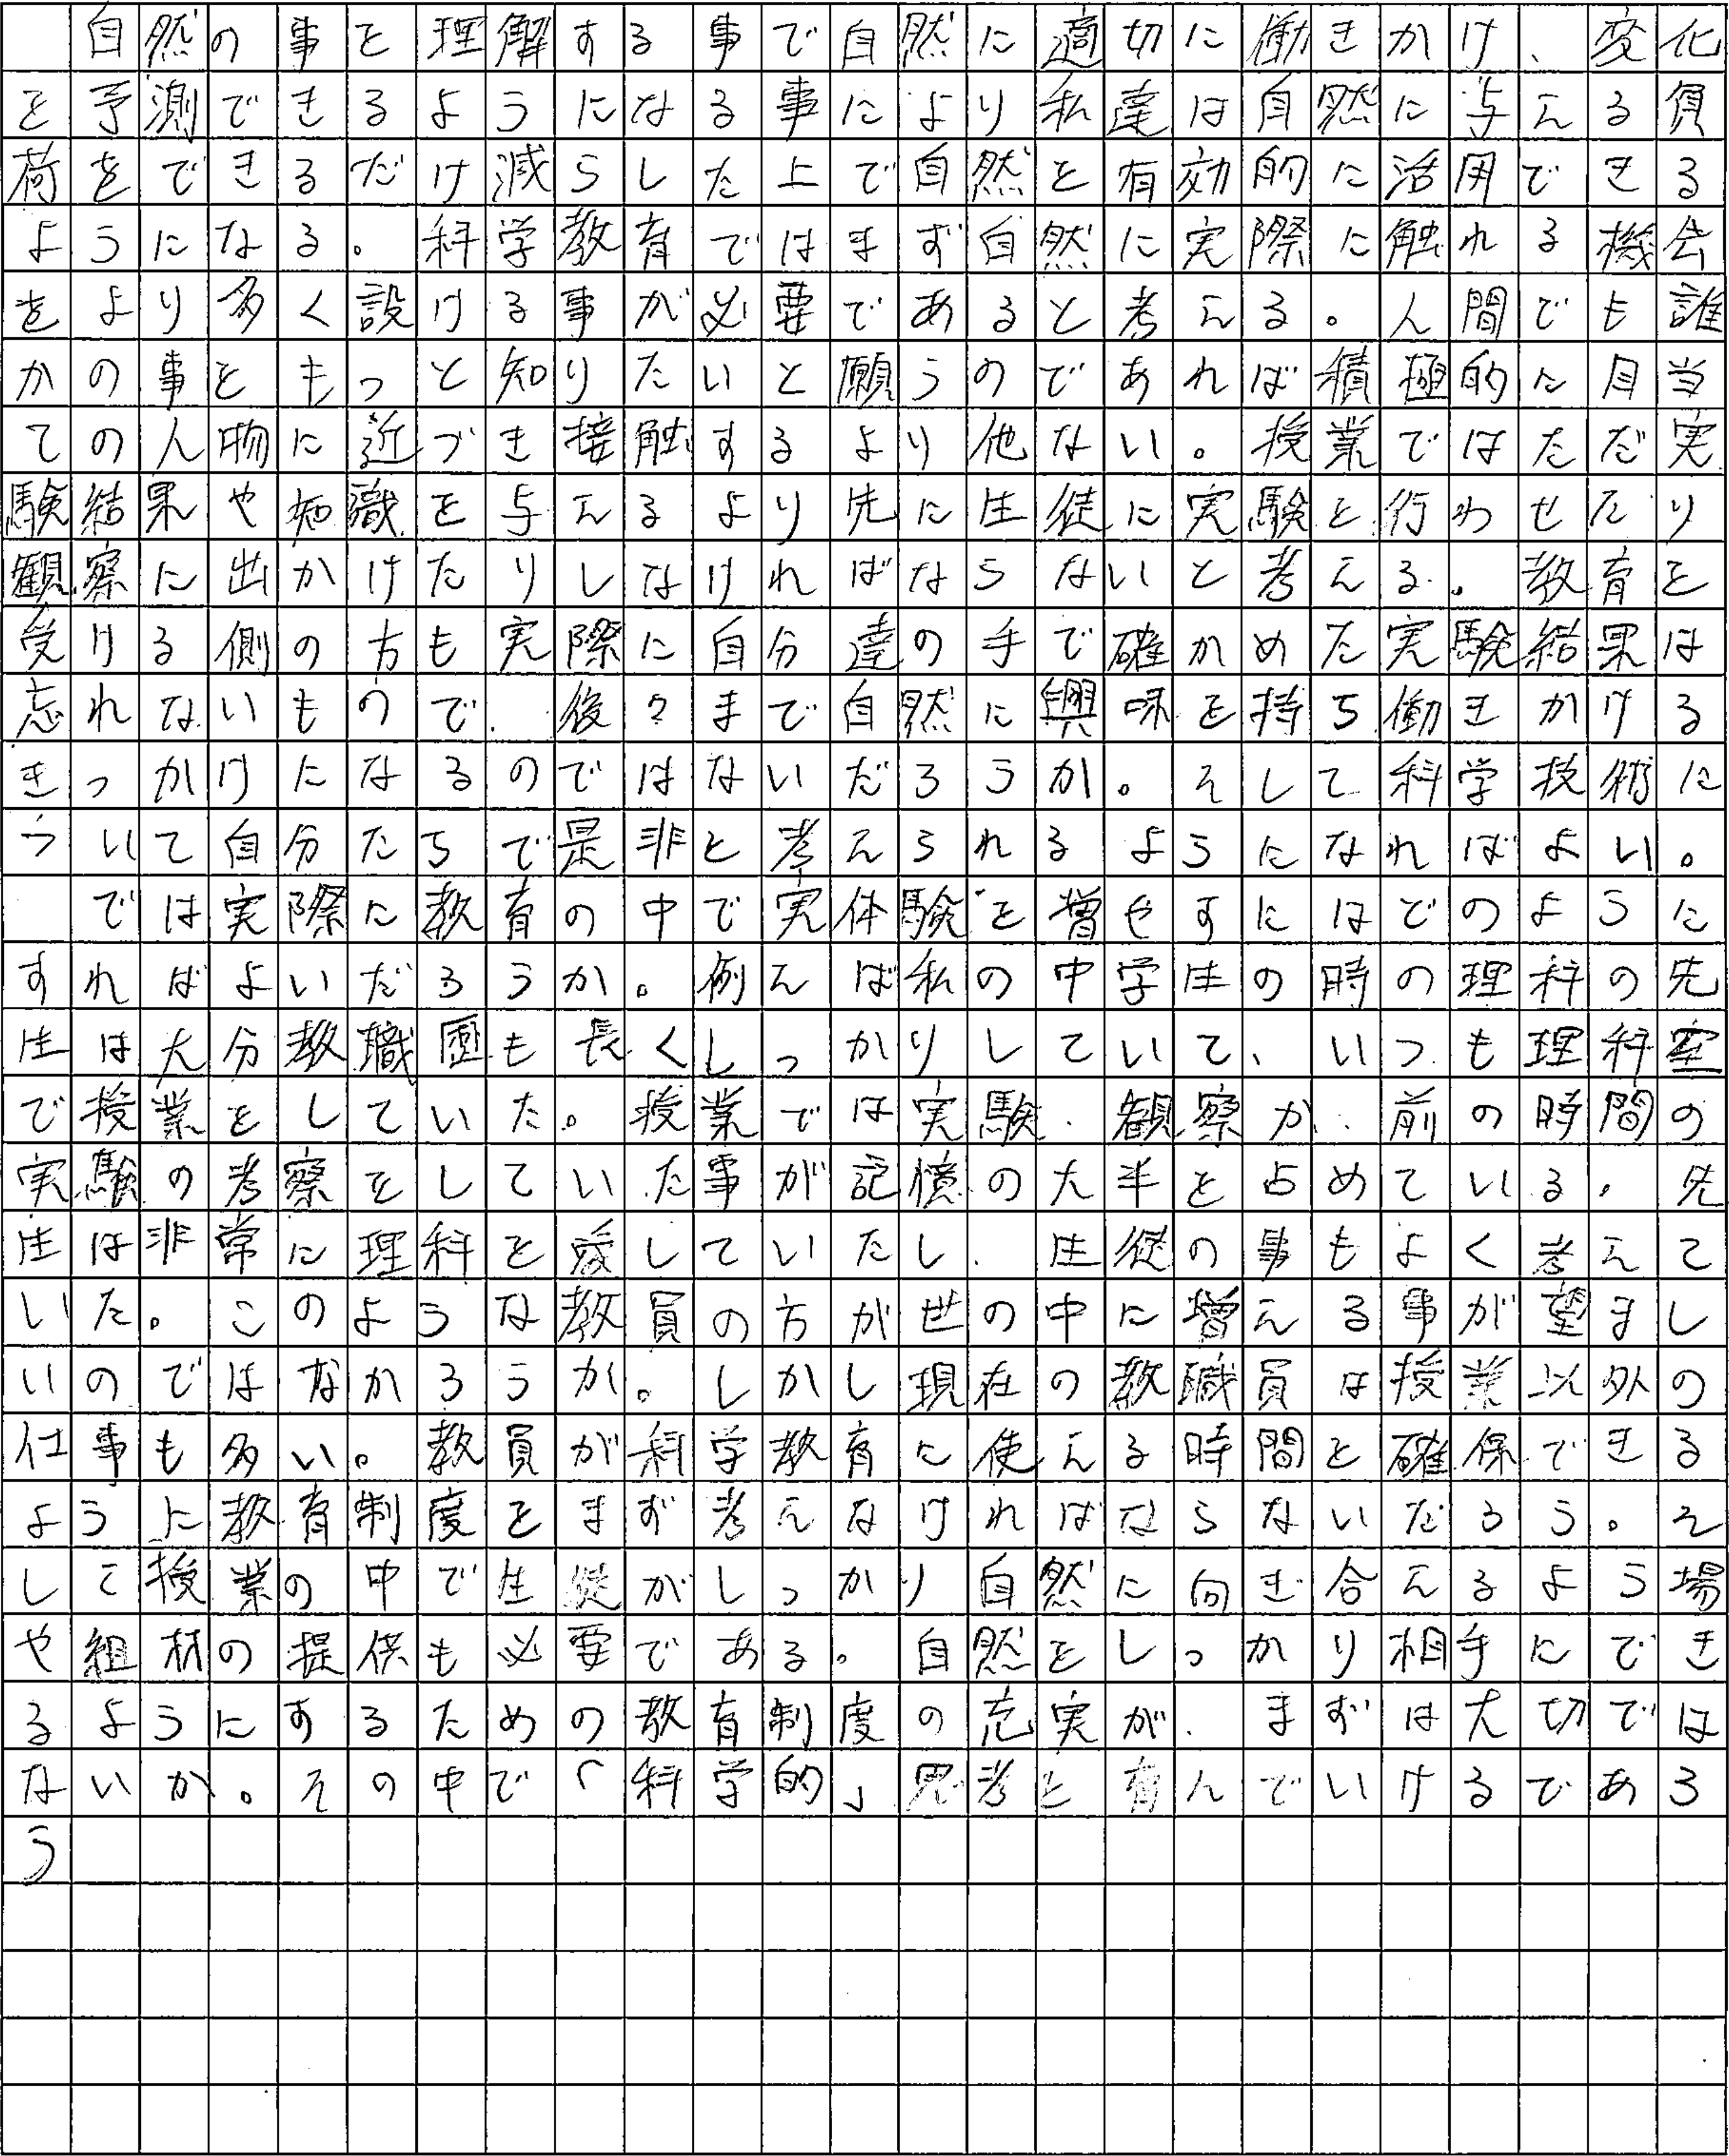　自然の事を理解する事で自然に適切に働きかけ、変化を予測できるようになる事により私達は自然に与える負荷をできるだけ減らした上で自然を有効的に活用できるようになる。科学教育ではまず自然に実際に触れる機会をより多く設ける事が必要であると考える。人間でも誰かの事をもっと知りたいと願うのであれば積極的に目当ての人物に近づき接触するより他ない。授業ではただ実験結果や知識を与えるより先に生徒に実験を行わせたり観察に出かけたりしなければならないと考える。教育を受ける側の方も実際に自分達の手で確かめた実験結果は忘れないもので、後々まで自然に興味を持ち働きかけるきっかけになるのではないだろうか。そして科学技術について自分たちで是非を考えられるようになればよい。
　では実際に教育の中で実体験を増やすにはどのようにすればよいだろうか。例えば私の中学生の時の理科の先生は大分教職歴も長くしっかりしていて、いつも理科室で授業をしていた。授業では実験・観察か、前の時間の実験の考察をしていた事が記憶の大半を占めている。先生は非常に理科を愛していたし、生徒の事もよく考えていた。このような教員の方が世の中に増える事が望ましいのではなかろうか。しかし現在の教職員は授業以外の仕事も多い。教員が科学教育に使える時間を確保できるように教育制度をまず考えなければならないだろう。そして授業の中で生徒がしっかり自然に向き合えるよう場や組材の提供も必要である。自然をしっかり相手にできるようにするための教育制度の充実が、まずは大切ではないか。その中で「科学的」思考を育んでいけるであろう
